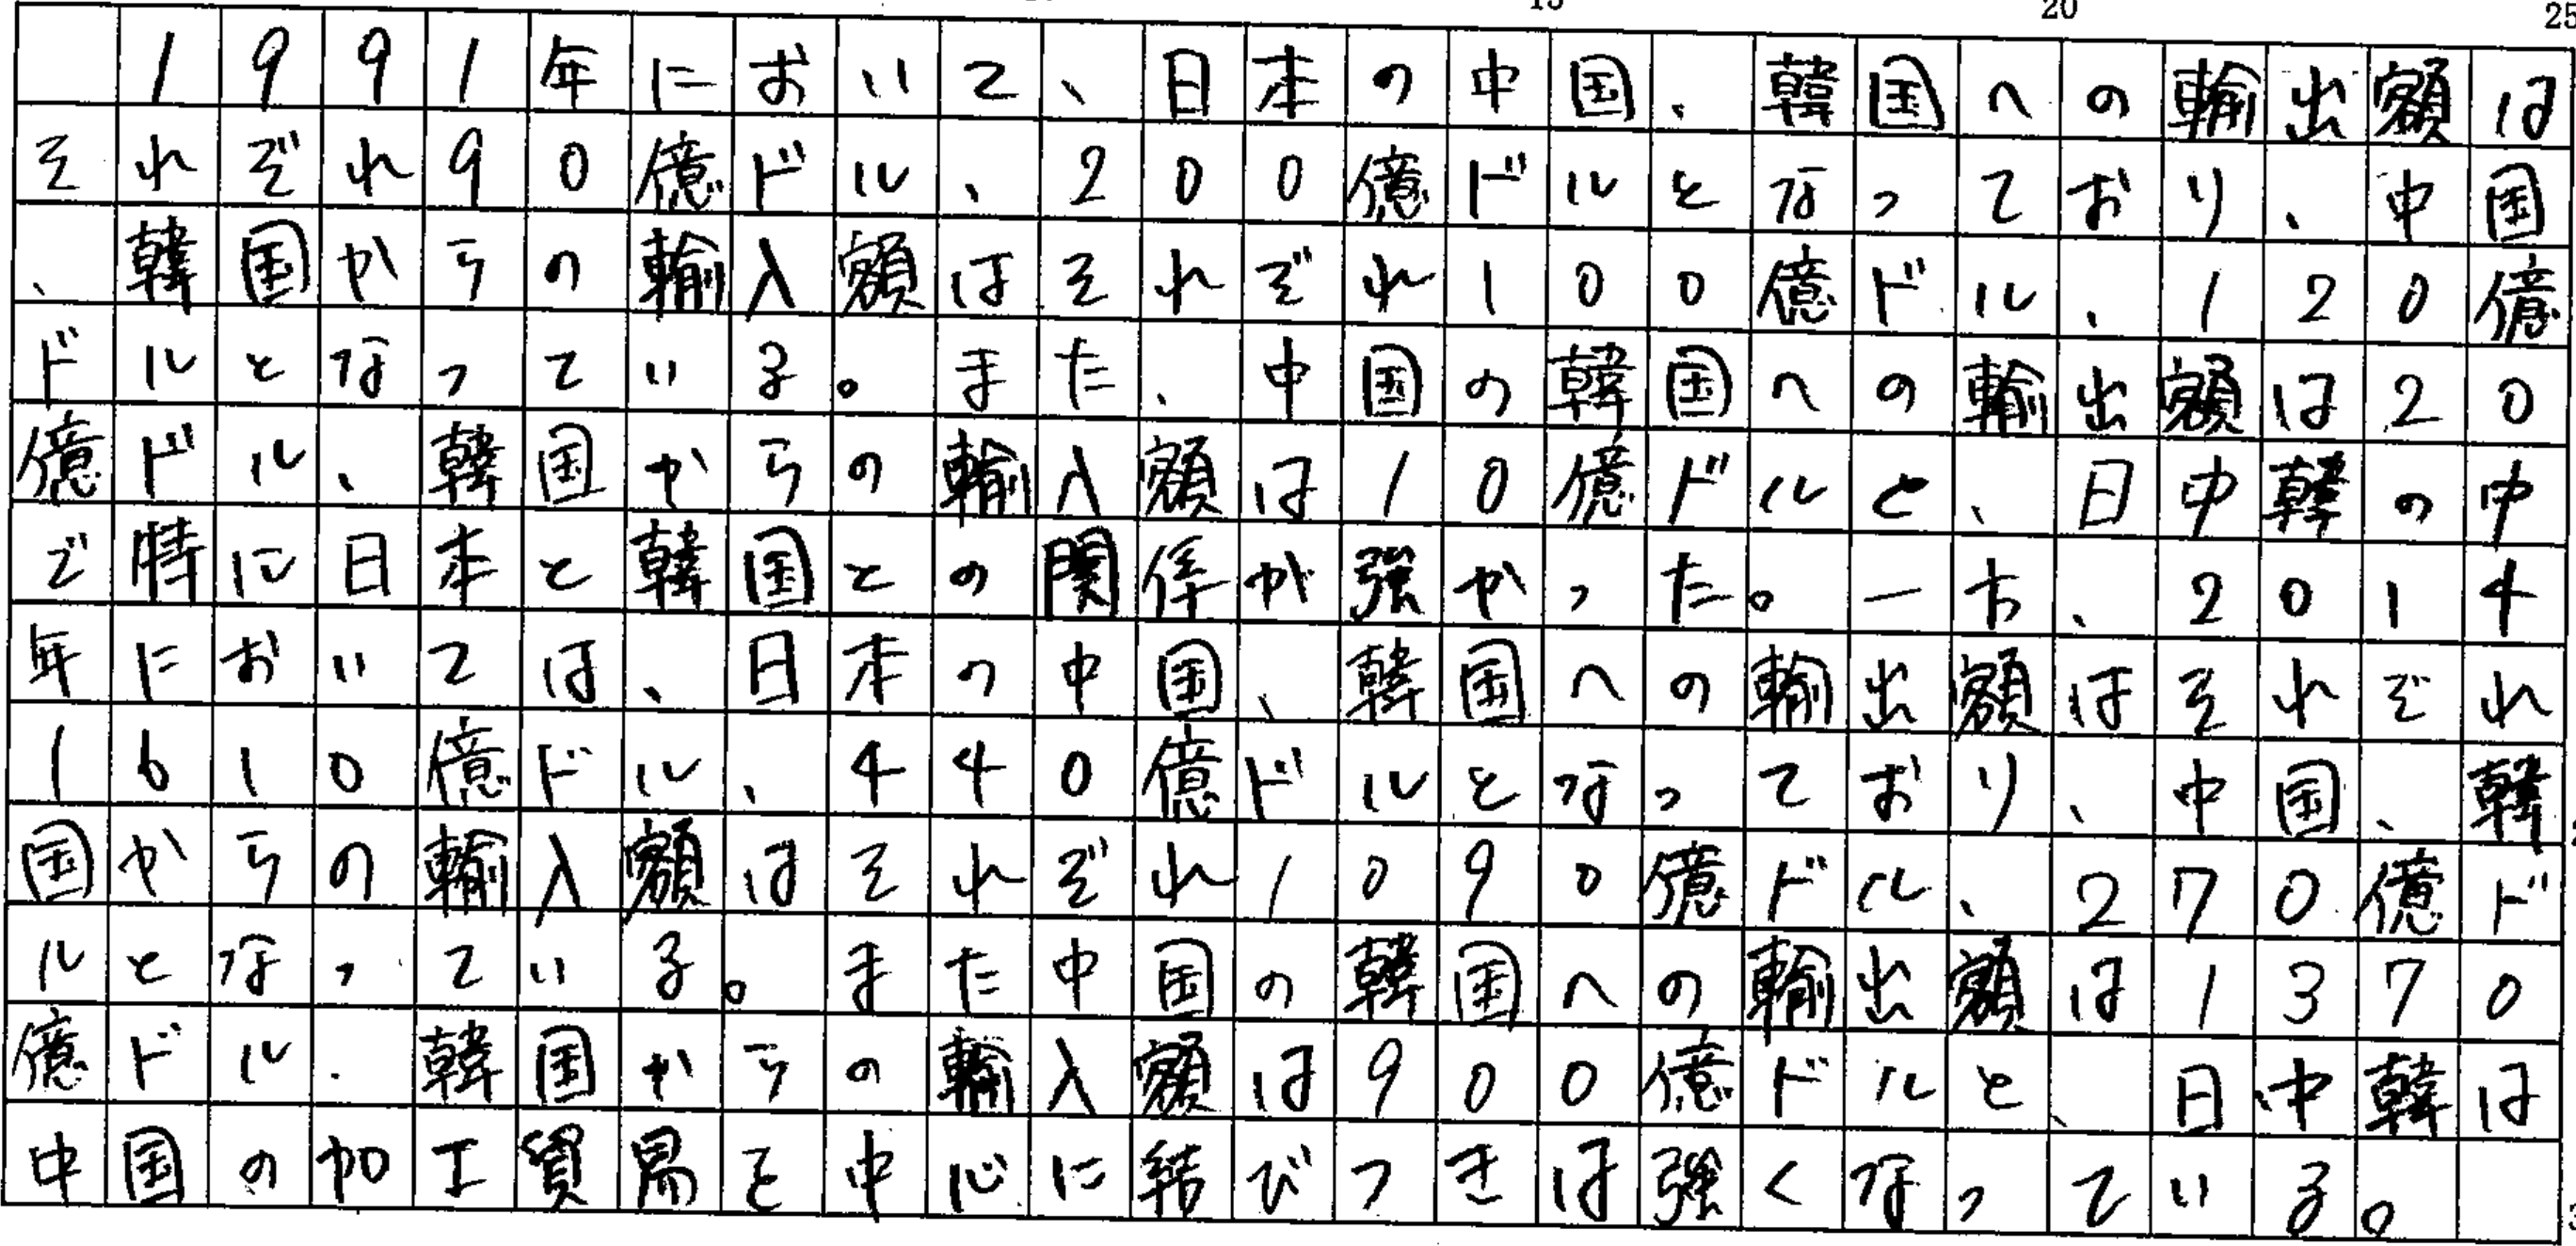　１９９１年において、日本の中国、韓国への輸出額はそれぞれ９０億ドル、２００億ドルとなっており、中国、韓国からの輸入額はそれぞれ１００億ドル、１２０億ドルとなっている。また、中国の韓国への輸出額は２０億ドル、韓国からの輸入額は１０億ドルと、日中韓の中で特に日本と韓国との関係が強かった。一方、２０１４年においては、日本の中国、韓国への輸出額はそれぞれ１６１０億ドル、４４０億ドルとなっており、中国、韓国からの輸入額はそれぞれ１０９０億ドル、２７０億ドルとなっている。また中国の韓国への輸出額は１３７０億ドル、韓国からの輸入額は９００億ドルと、日中韓は中国の加工貿易を中心に結びつきは強くなっている。
